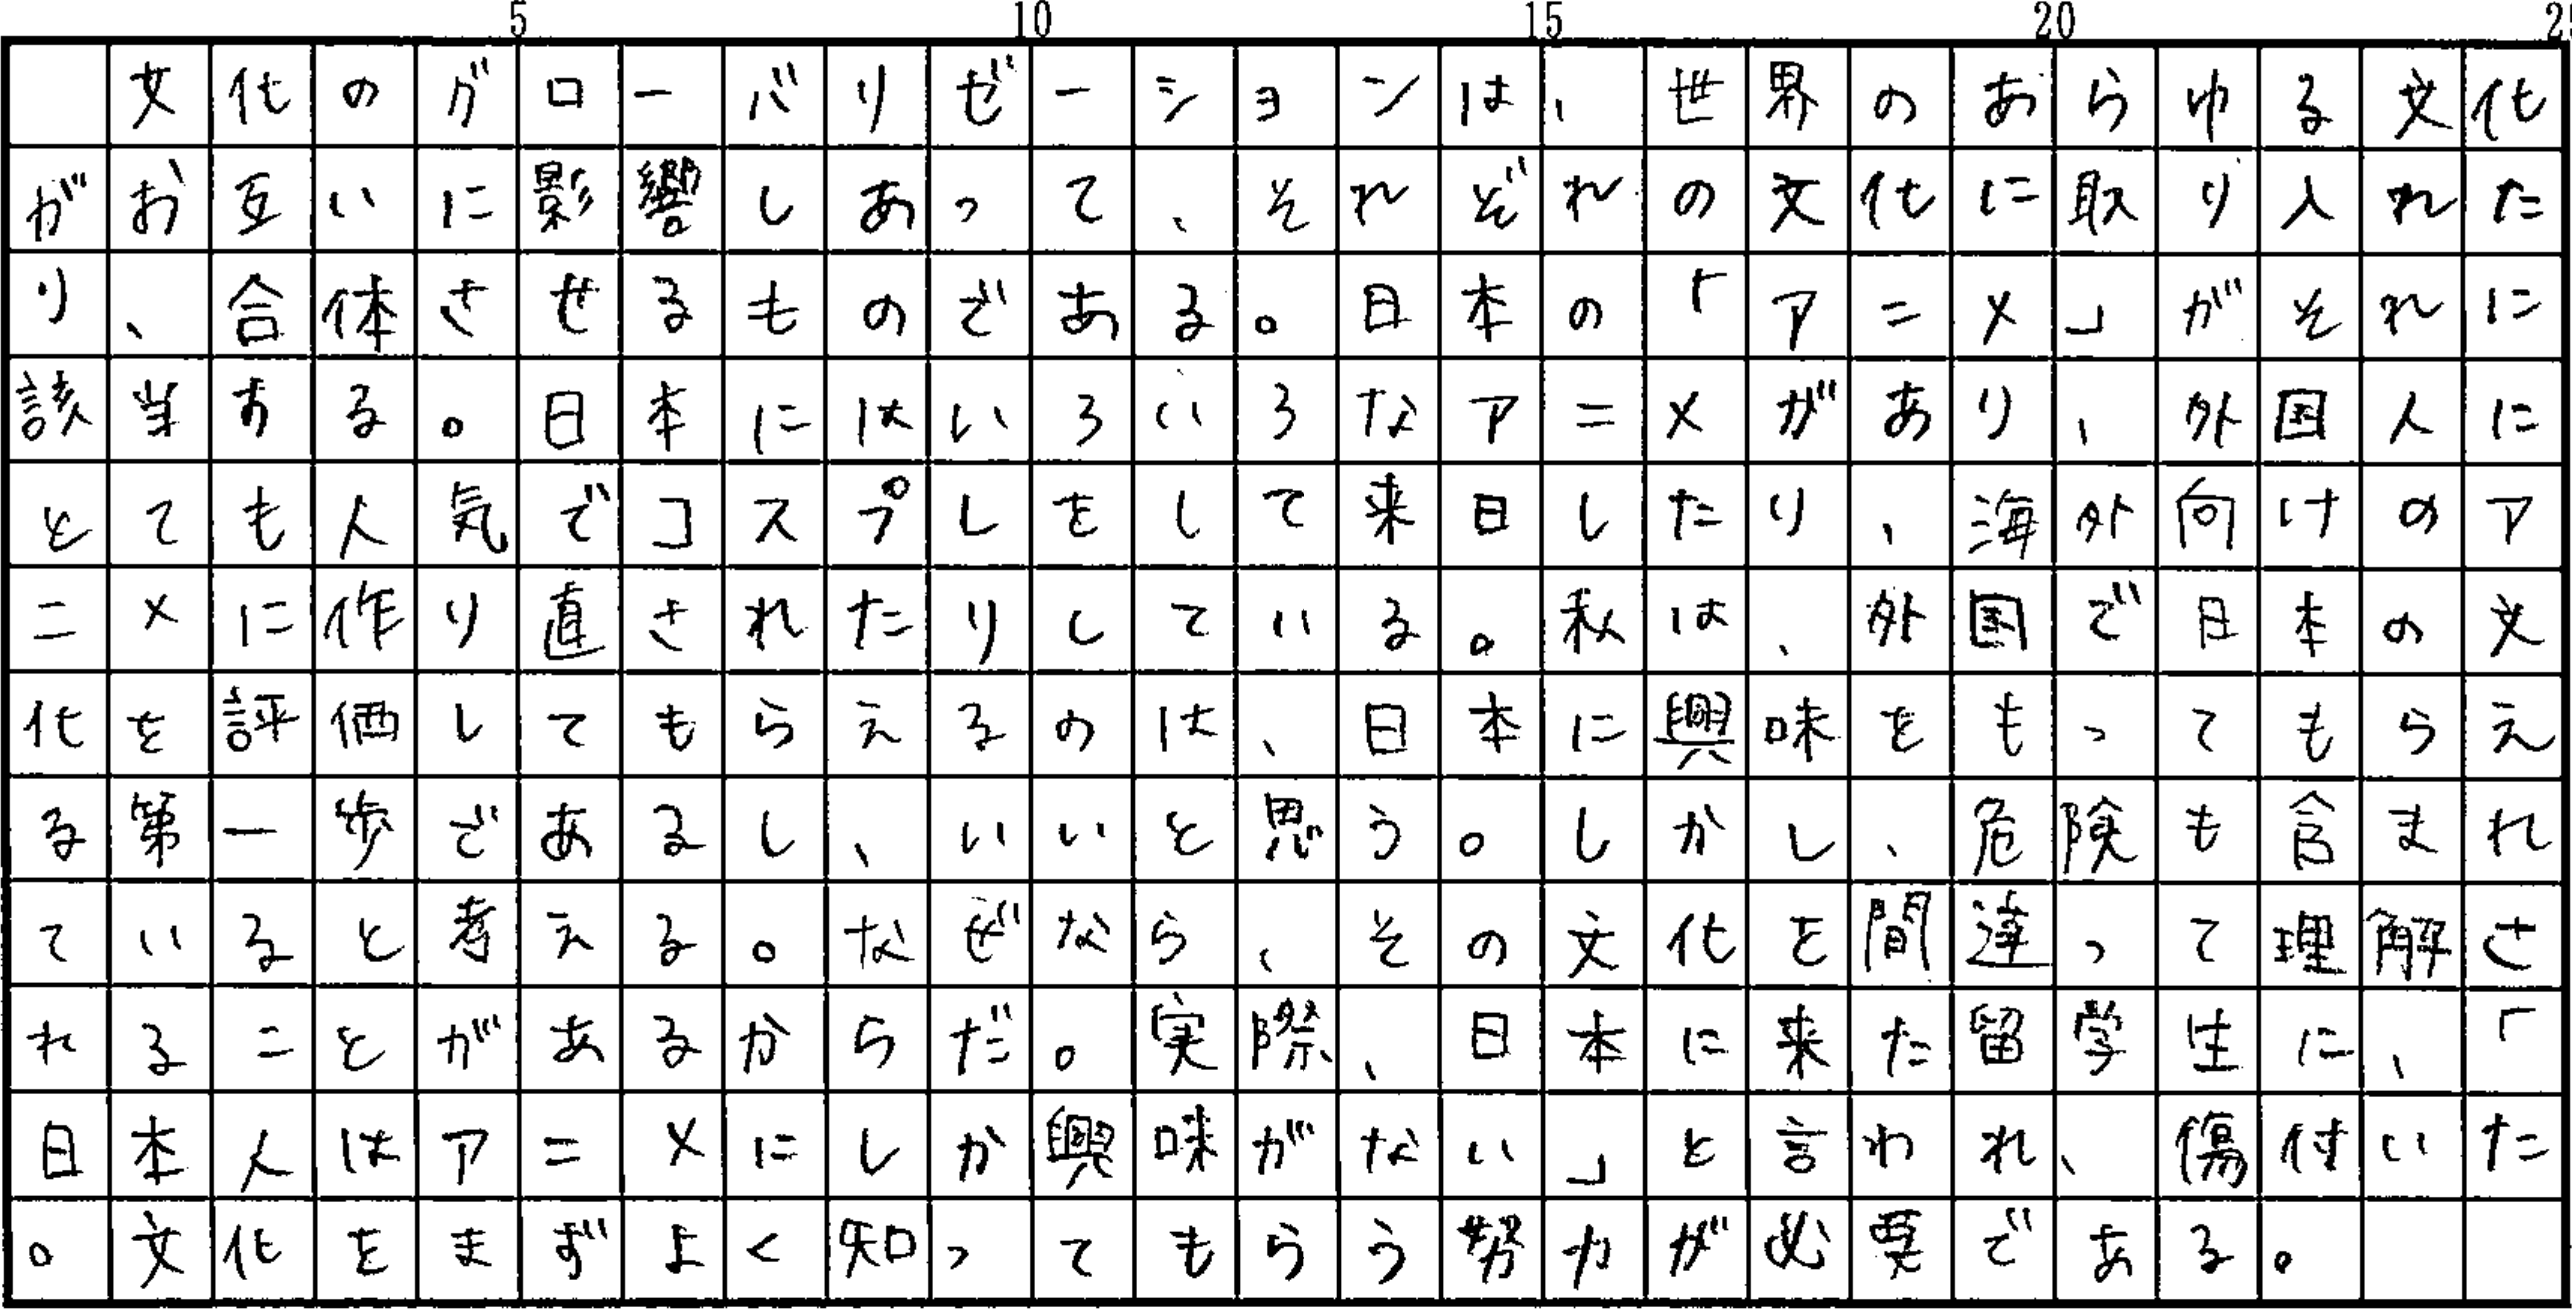　文化のグローバリゼーションは、世界のあらゆる文化がお互いに影響しあって、それぞれの文化に取り入れたり、合体させるものである。日本の「アニメ」がそれに該当する。日本にはいろいろなアニメがあり、外国人にとても人気でコスプレをして来日したり、海外向けのアニメに作り直されたりしている。私は、外国で日本の文化を評価してもらえるのは、日本に興味をもってもらえる第一歩であるし、いいと思う。しかし、危険も含まれていると考える。なぜなら、その文化を間違って理解されることがあるからだ。実際、日本に来た留学生に、「日本人はアニメにしか興味がない」と言われ、傷ついた。文化をまずよく知ってもらう努力が必要である。
